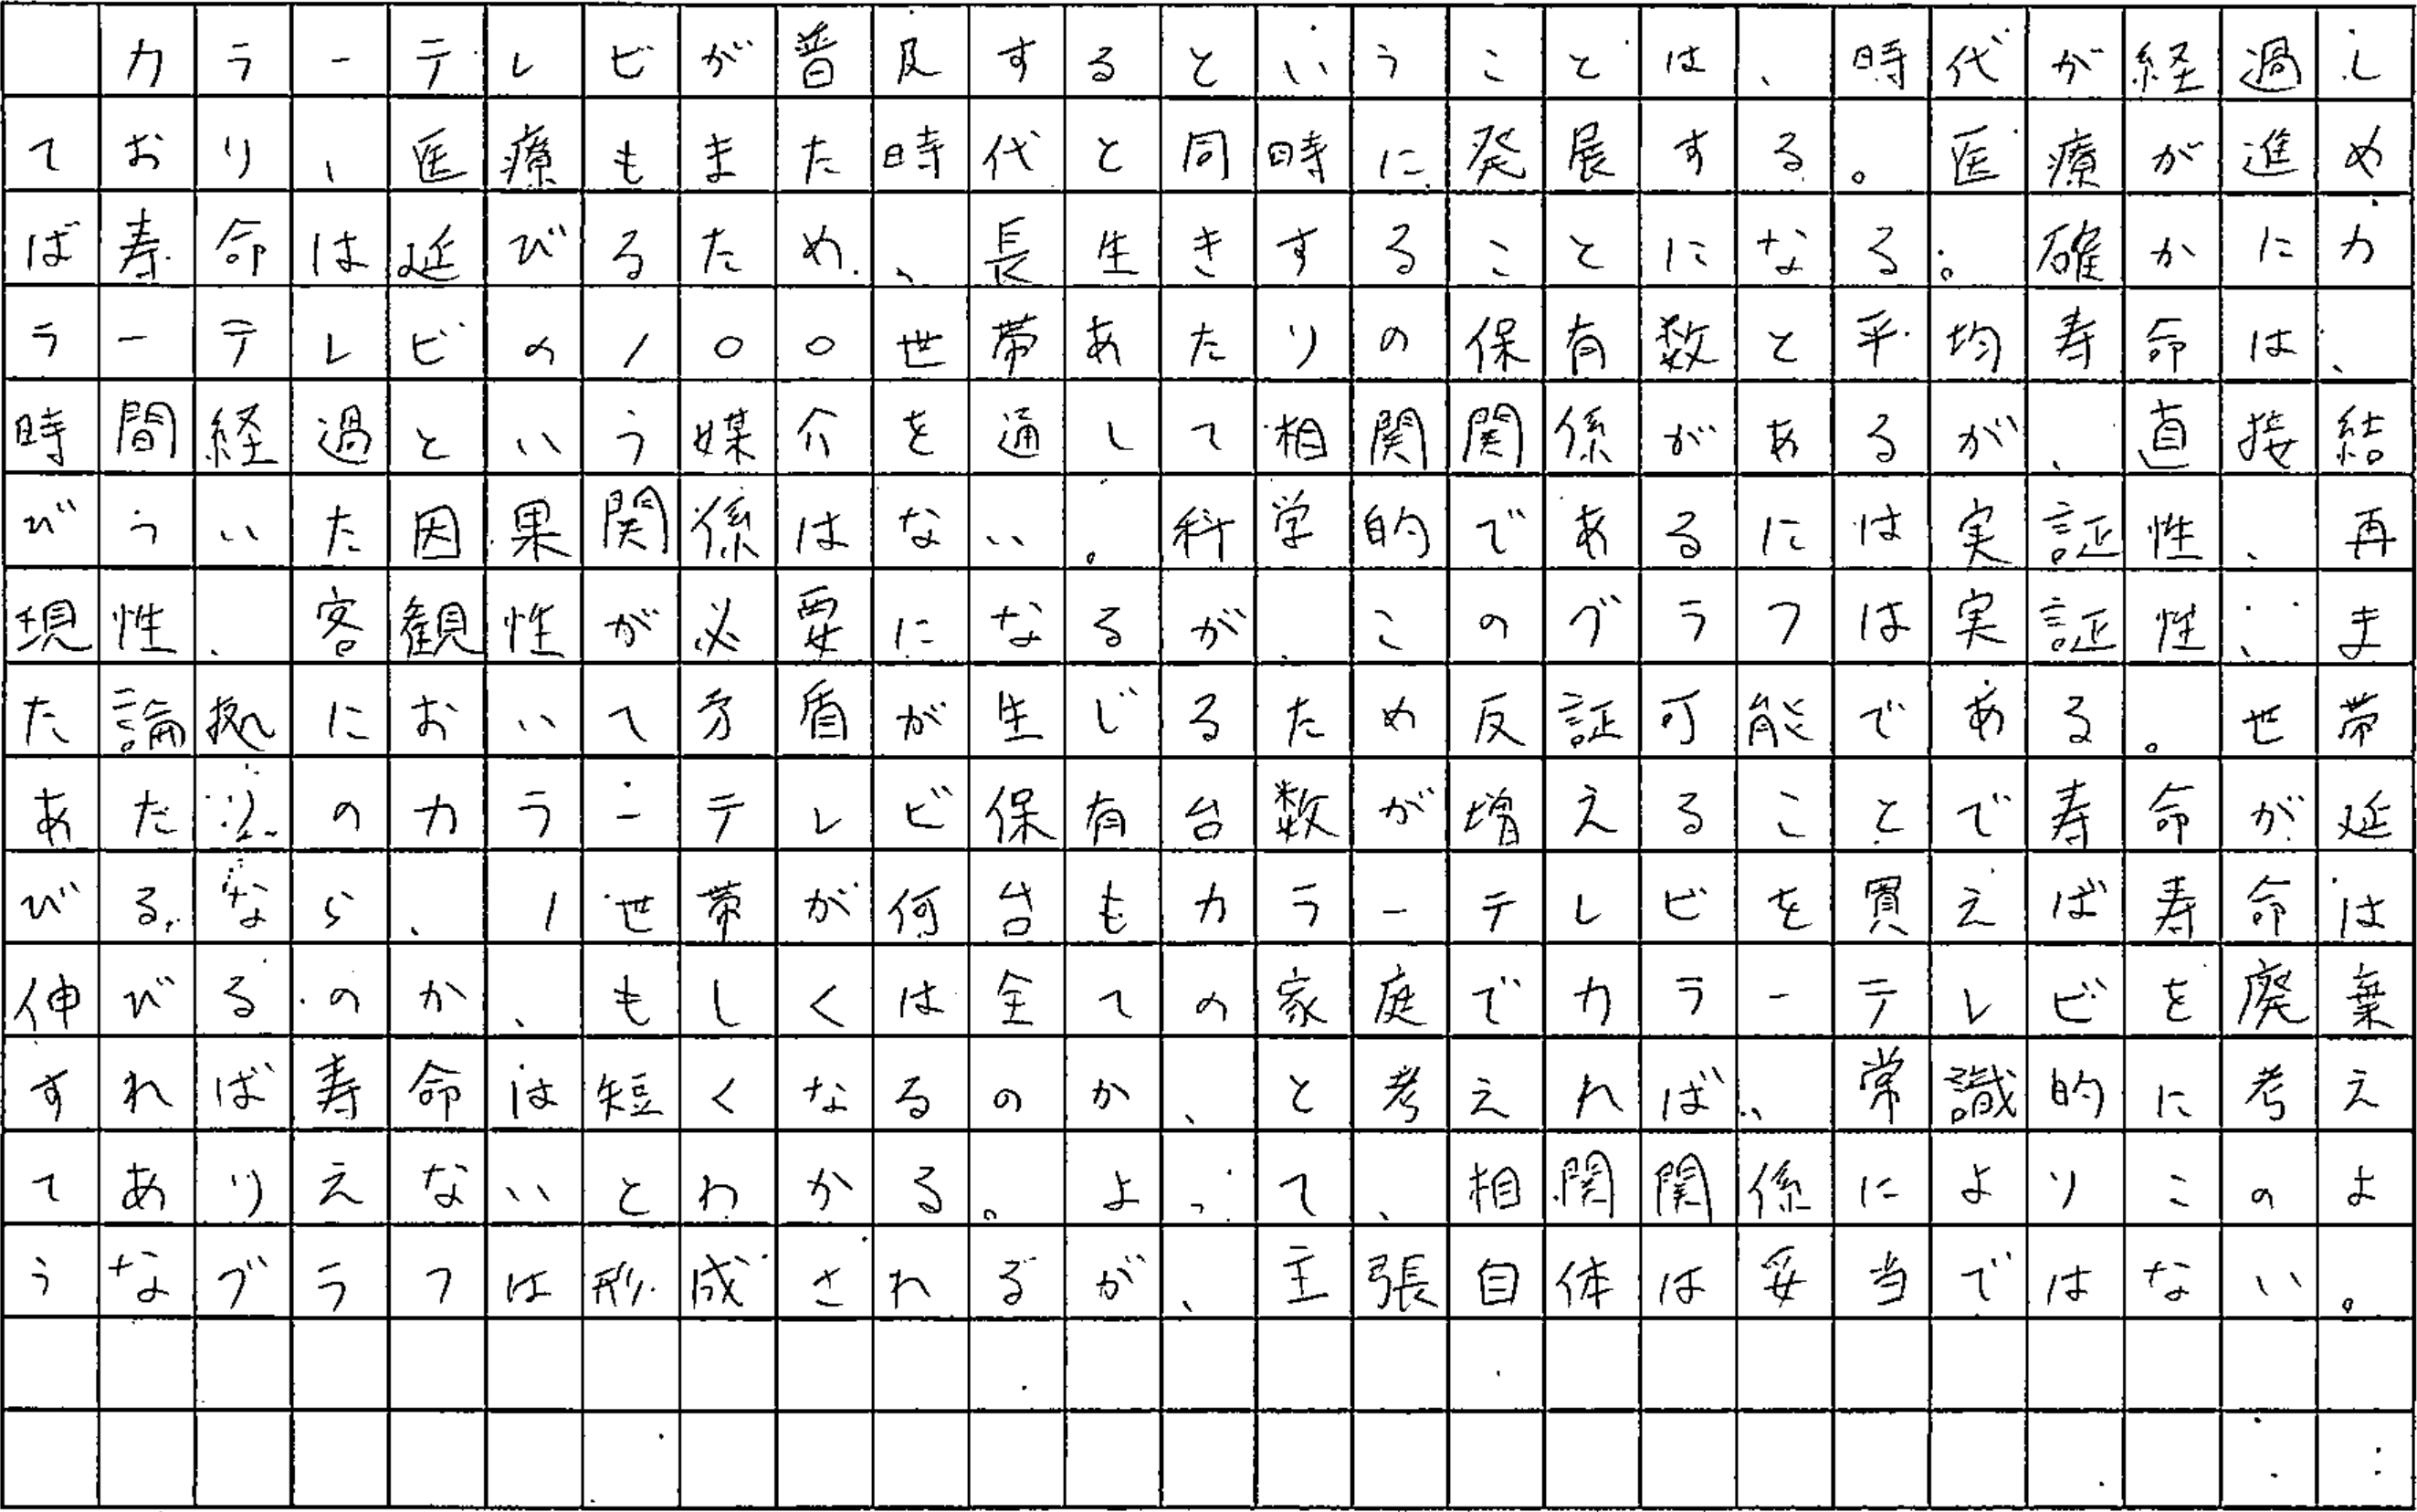　カラーテレビが普及するということは、時代が経過しており、医療もまた時代と同時に発展する。医療が進めば寿命は延びるため、長生きすることになる。確かにカラーテレビの１００世帯あたりの保有数と平均寿命は、時間経過といつ媒介を通して相関関係があるが、直接結びついた因果関係はない。科学的であるには実証性、再現性、客観性が必要になるが、このグラフは実証性、また論拠において矛盾が生じるため反証可能である。世帯あたりのカラーテレビ保有台数が増えることで寿命が延びるなら、１世帯が何台もカラーテレビを買えば寿命は伸びるのか、もしくは全ての家庭でカラーテレビを廃棄すれば寿命は短くなるのか、と考えれば、常識的に考えてありえないとわかる。よって、相関関係によりこのようなグラフは形成されるが、主張自体は妥当ではない。
